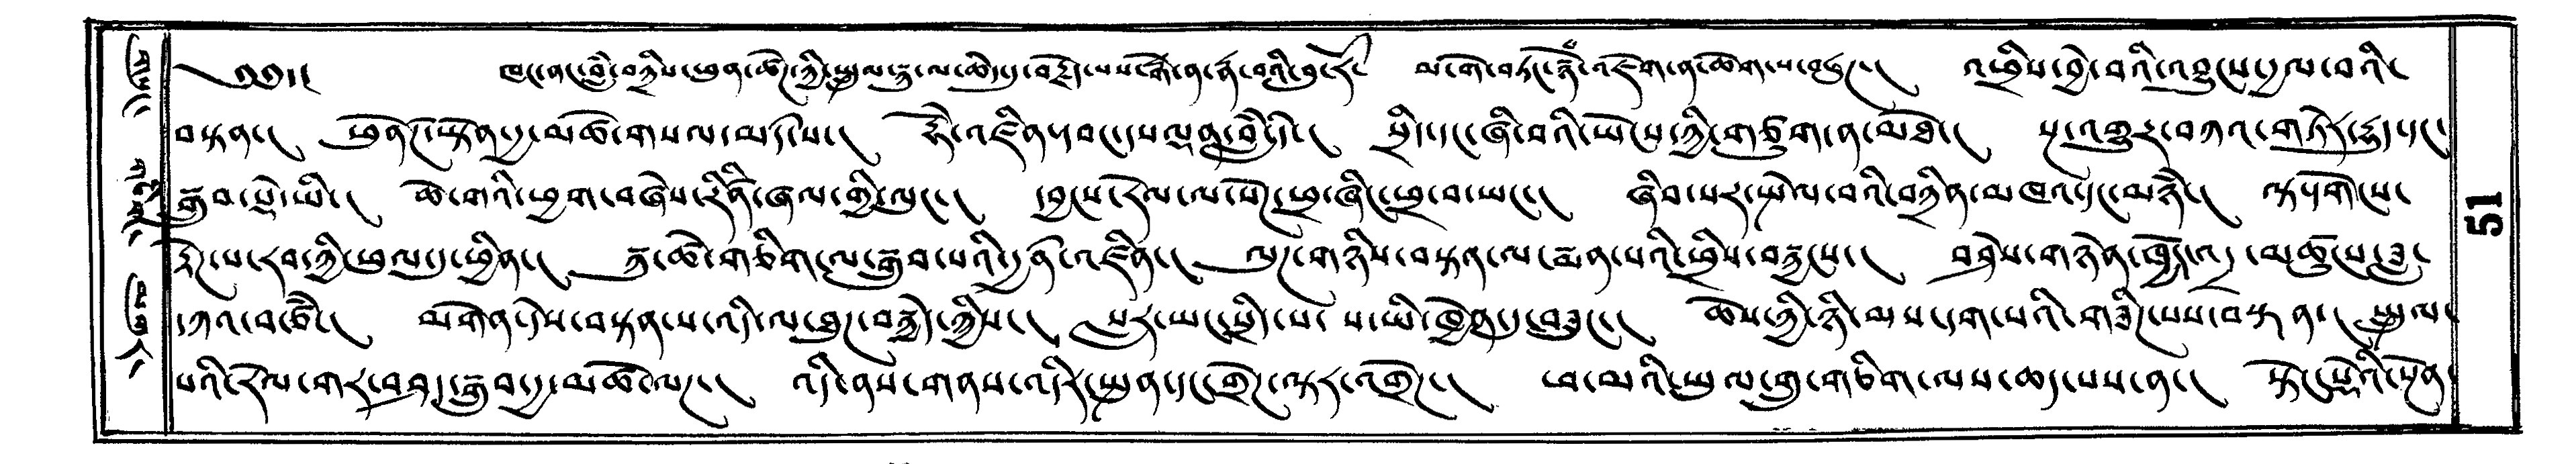༄༅། ཁང་ནང་བླ་མ་བཀྲ་ཤིས་ཕུན་ཚོགས་ཀྱི་སྤྲུལ་སྐུ་ལ་ཆེད་དུ་བརྗོད་པས་གོ་ན་རྣ་བའི་བུ་རམ་མ་གོ་བཏང་སྙོམས་འཇོག་ན་ཆོག་པ་བཞུགས། འཕྲིན་ལས་བྱེ་བའི་འབྱུང་གནས་རྒྱལ་བའི་
བསྟན། །ཕུན་ཚོགས་ཡོན་ཏན་རྒྱ་མཚོ་གསལ་མཛད་པ། །རྡོ་རྗེ་འཛིན་དབང་དཔལ་ལྡན་བླ་མ་དེ། །སྲིད་དང་ཞི་བ་ཡོངས་ཀྱི་གཙུག་ན་མཐོ། །སྔ་འགྱུར་བཀའ་གཏེར་རྒྱུད་དང་
སྒྲུབ་སྡེ་ཡི། །ཆོ་ག་ཕྱག་བཞེས་རིག་འཛིན་ཞལ་གྱི་ལུང་། །དབྱངས་རོལ་ལ་སོགས་ཕྲ་ཞིང་ཕྲ་བ་ཡང་། །ཞིབ་པར་སྤེལ་བའི་བཀའ་དྲིན་མཁའ་དང་མཉམ། །ལྟ་དགོངས་
རྟོགས་པ་རབ་ཀྱི་ཕུལ་དུ་ཕྱིན། །སྐུ་ཚེ་གཅིག་ལ་སྒྲུབ་པའི་རྒྱལ་མཚན་འཛིན། །ལུགས་གཉིས་བསྟན་ལ་སྨན་པའི་ཕྲིན་ལས་བསྐྱངས། །བཤེས་གཉེན་ཁྱོད་འདྲར་མཚུངས་ཟླ་
དཀའ་བ་ཙམ། །མགོན་དེས་བསྟན་པ་འདི་ལ་ཐུགས་བསྐྱེད་ཀྱིས། །སླར་ཡང་སྲིད་པ་ས་ཡི་ཁྱོད་དུ་བཟུང་། །ཆོས་ཀྱི་ཉི་མས་དག་པའི་གཟིགས་པས་བསྟན། །སྤྲུལ་
པའི་རོལ་གར་བཤད་སྒྲུབ་རྒྱ་མཚོ་ལགས། །འདི་ནས་གནས་འདིར་སྤུན་དང་གྲོགས་ལྟར་འགྲོགས། །ཕ་མ་ཡུལ་གྲུ་གཅིག་ལས་ཆད་པས་ན། །སྟོང་སྡེའི་སྔོན་